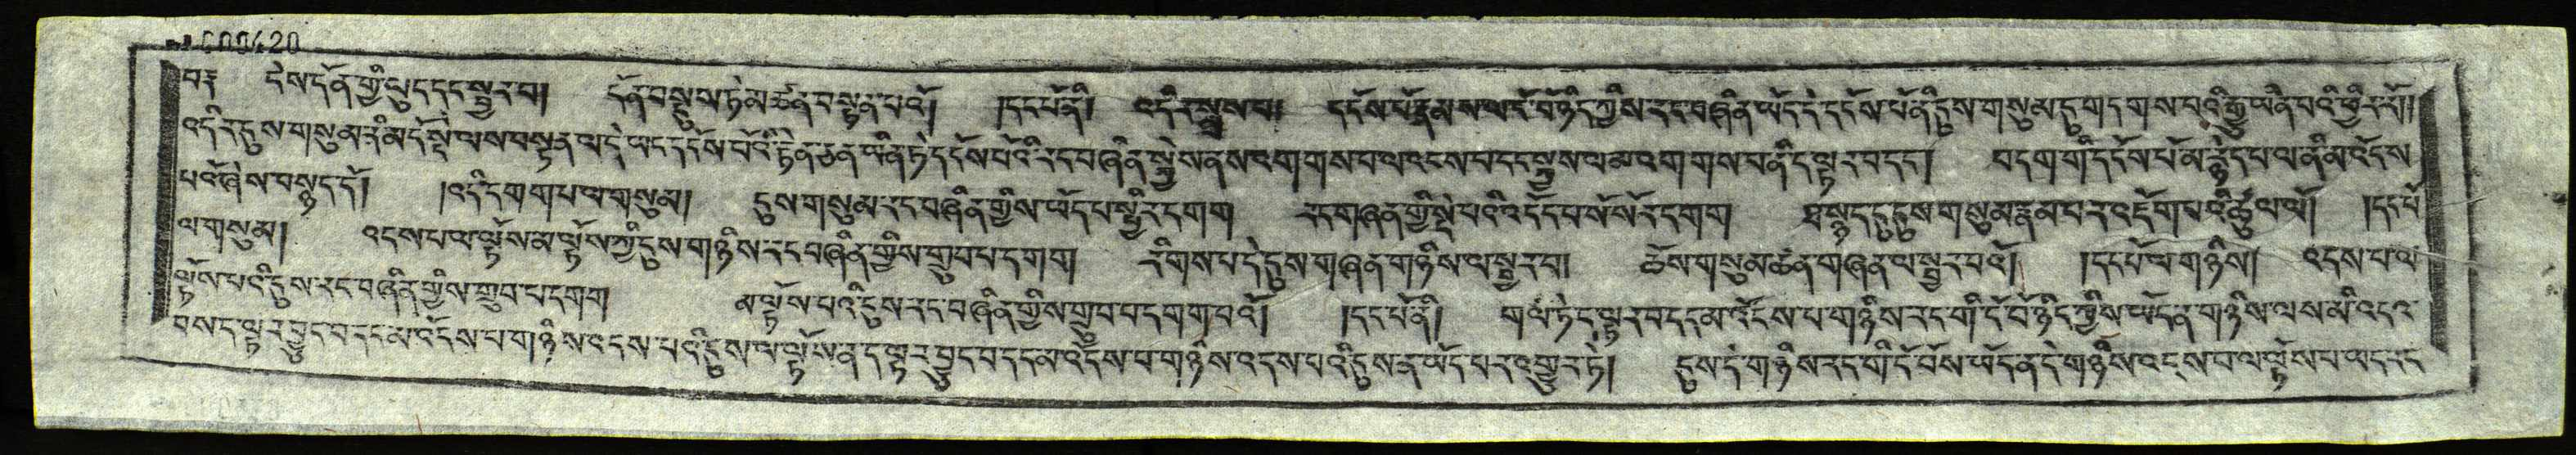བ༑ ངེས་དོན་གྱི་ལུང་དང་སྦྱར་བ། དོན་བསྡུས་ཏེ་མཚན་བསྟན་པའོ། །དང་པོ་ནི། འདིར་སྨྲས་པ། དངོས་པོ་རྣམས་ལ་ངོ་བོ་ཉིད་ཀྱིས་རང་བཞིན་ཡོད་དེ་དངོས་པོ་ནི་དུས་གསུམ་དུ་གདགས་བའི་རྒྱུ་ཡིན་པའི་ཕྱིར་རོ།།
འདིར་དུས་གསུམ་ནི་མདོ་སྡེ་ལས་བསྟན་ལ་དེ་ཡང་དངོས་པོའི་རྟེན་ཅན་ཡིན་ཏེ་དངོས་པོའི་རང་བཞིན་སྐྱེས་ནས་འགགས་པ་ལ་འངས་པ་དང་སྐྱས་ལ་མ་འགགས་པ་ནི་ད་ལྟར་བ་དང་། བདག་གི་དངོས་པོ་མ་རྙེད་པ་ལ་ནི་མ་འོངས་
པའོ་ཞེས་བསྙད་དོ། །འདི་དགག་པ་ལ་གསུམ། དུས་གསུམ་རང་བཞིན་གྱིས་ཡོད་པ་སྤྱིར་དགག་རང་གཞན་གྱི་སྡེ་པའི་འདོད་པ་སོ་སོར་དགག་ཐ་སྙད་དུ་དུས་གསུམ་རྣམ་པར་འཇོག་པའི་ཚུལ་ལོ། །དང་པོ་
ལ་གསུམ། འདས་པ་ལ་ལྟོས་མ་ལྟོས་ཀྱི་དུས་གཉིས་རང་བཞིན་གྱིས་གྲུབ་པ་དགག་རིགས་པ་དེ་དུས་གཞན་གཉིས་ལ་སྦྱར་བ། ཆོས་གསུམ་ཚན་གཞན་ལ་སྦྱར་བའོ། །དང་པོ་ལ་གཉིས། འདས་པ་ལ་
ལྟོས་པའི་དུས་རང་བཞིན་གྱིས་གྲུབ་པ་དགག་མ་ལྟོས་པའི་དུས་རང་བཞིན་གྱིས་གྲུབ་པ་དགག་པའོ། །དང་པོ་ནི། གལ་ཏེ་ད་ལྟར་བ་དང་མ་འོངས་པ་གཉིས་རང་གི་ངོ་བོ་ཉིད་ཀྱིས་ཡོད་ན་གཉིས་ལས་མི་འདའ་
བས་ད་ལྟར་བྱུང་བ་དང་མ་འོངས་པ་གཉིས་འདས་པའི་དུས་ལ་ལྟོས་ན་ད་ལྟར་བྱུང་བ་དང་མ་འོངས་པ་གཉིས་འདས་པའི་དུས་ན་ཡོད་པར་འགྱུར་ཏེ། དུས་དེ་གཉིས་རང་གི་ངོ་བོས་ཡོད་ན་དེ་གཉིས་འདས་པ་ལ་ལྟོས་པ་ཡང་རང་